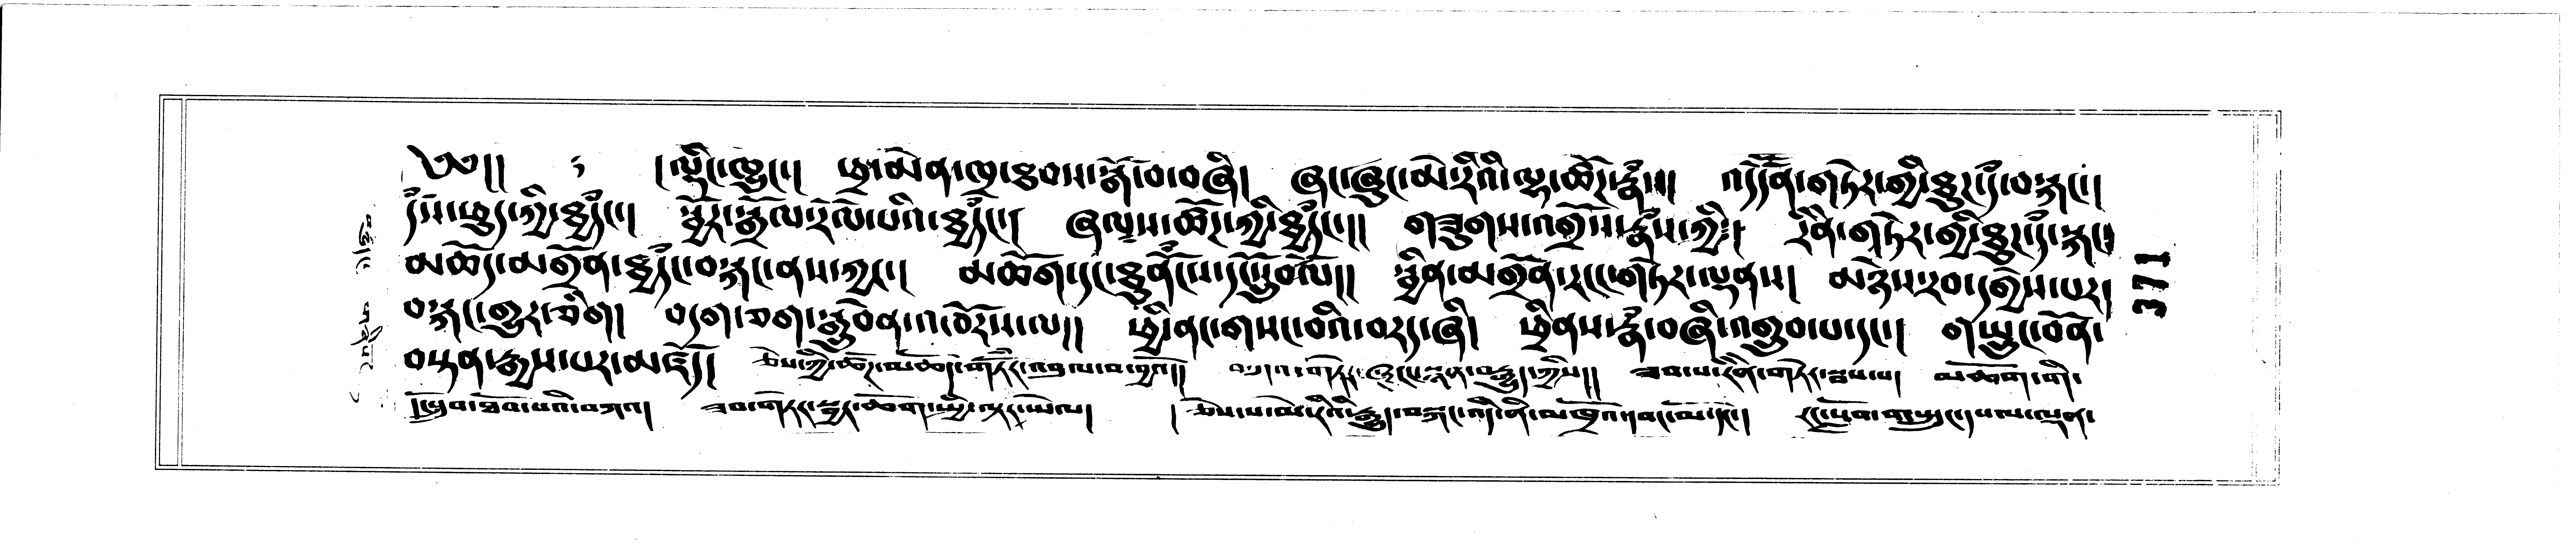༄༅།། །ལྡིང་ཁྱུང་། ཕྲ་མེན་ཁྲ་ཐབས་སྒོ་བ་བཞི། ཞང་ཞུང་མེ་རིའི་ལྷ་ཚོགས་རྣམས། འདོད་ཡོན་གཏེར་གྱི་ཐུགས་དམ་བསྐང་།
 དམ་རྫས་ཕུད་ཀྱི་ཐུགས་དམ་
 བསྐང་ནས་ཀྱང། མཆོག་དང་ཐུན་མོངས་དངོས་གྲུབ་སྩོལ། སྦྱིན་མགྲོན་རང་རང་གཏེར་ལྡན་ནས། མཉེས་རབ་དགྱེས་པར་
བསྐང་གྱུར་ཅིག བདག་ཅག་སྒྲུབ་གཤེན་འཁོར་བཅས་ལ།། ཕྱི་ནང་གསང་བའི་བར་ཆད་ཞི། ཕྲིན་ལས་རྣམ་བཞི་འགྲུབ་པ་དང་། གཡུང་དྲུང་བོན་
བསྟན་རྒྱས་པར་མཛོད། ཅེས་ཀྱི་ཚོགས་མཆོད་གཏོར་མ་འབུལ་བ་བྱའོ། བཀའ་གཏེར་ཞང་ཞུང་སྙན་བརྒྱུད་ཀྱིས།། ཟབ་པ་རིན་ཆེན་གཏེར་སྦས་པ། མཆོག་གི་
དངོས་གྲུབ་ཐོབ་པའི་བཀའ། ཟབ་གཏེར་སྦྱར་ཆོག་སྤྱི་ལྟར་སྤེལ། ཅེས་པ་མེ་རིའི་རྒྱུད་བསྐང་འདི་ནི་མཁའ་འགྲོ་དབང་མོ་དང་། རང་སློབ་གཡུང་དྲུང་དཔལ་ལྡན་